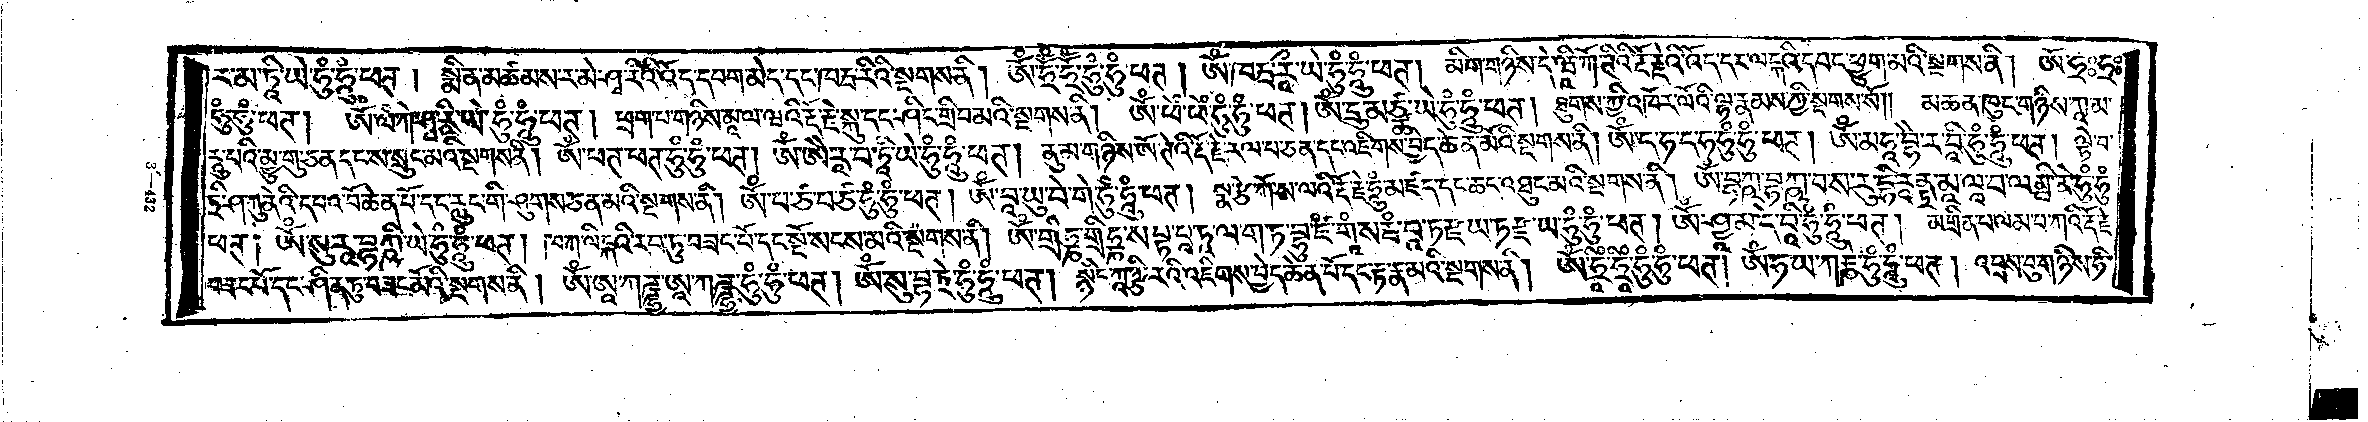ར་མ་ཏཱི་ཡེ་ཧུཾ་ཧཱུཾ་ཕཊ། སྨིན་མཚམས་ར་མེ་ཤྭ་རིའི་འོད་དཔག་མེད་དང་ཁརྦ་རིའི་སྔགས་ནི། ཨོཾ་ཧྲཽཾ་ཧྲཽཾ་ཧུཾ་ཧུཾ་ཕཊ། ཨོཾ་ཁརྦ་རཱྀ་ཡེ་ཧུཾ་ཧཱུཾ་ཕཊ། མིག་གཉིས་དེ་ཝཱི་ཀོ་ཊིའི་རྡོ་རྗེའི་འོད་དང་ལངྐའི་དབང་ཕྱུག་མའི་སྔགས་ནི། ཨོ་ཧྲཿཧྲཿ
ཧུཾ་ཧུཾ་ཕཊ། ཨོཾ་ལཾ་ཀེ་ཤྭ་རཱི་ཡེ་ཧུཾ་ཧཱུཾ་ཕཊ། ཕྲག་པ་གཉིས་མཱ་ལ་ཝའི་རྡོ་རྗེ་སྐུ་དང་ཤིང་གྲིབ་མའི་སྔགས་ནི། ཨོཾ་ཕེཾ་ཕེཾ་ཧུཾ་ཧུཾ་ཕཊ། ཨོཾ་དྲུ་མཙྪ་ཡེ་ཧུཾ་ཧཱུཾ་ཕཊ། ཐུགས་ཀྱི་འཁོར་ལོའི་ལྷ་རྣམས་ཀྱི་སྔགས་སོ།།  མཆན་ཁུང་གཉིས་ཀཱ་མ་
རཱུ་པའི་མྱུ་གུ་ཅན་དང་ས་སྲུང་མའི་སྔགས་ནི། ཨོཾ་ཕཊ་ཕཊ་ཧུཾ་ཧུཾ་ཕཊ། ཨོཾ་ཨཻ་རཱ་བ་ཏཱི་ཡེ་ཧུཾ་ཧཱུཾ་ཕཊ། ནུ་མ་གཉིས་ཨོ་ཊེའི་རྡོ་རྗེ་རལ་པ་ཅན་དང་འཇིགས་བྱེད་ཆེན་མོའི་སྔགས་ནི། ཨོཾ་ད་ཧ་ད་ཧ་ཧུཾ་ཧུཾ་ཕཊ། ཨོཾ་མཧཱ་བྷཻ་ར་བཱི་ཧུཾ་ཧཱུཾ་ཕཊ། ལྟེ་བ་
ཏྲི་ཤཀུནེའི་དཔའ་བོ་ཆེན་པོ་དང་རླུང་གི་ཤུགས་ཅན་མའི་སྔགས་ནི། ཨོཾ་པ་ཙ་པ་ཙ་ཧུཾ་ཧུཾ་ཕཊ། ཨོཾ་བཱ་ཡུ་བེ་གེ་ཧུཾ་ཧཱུཾ་ཕཊ། སྣ་རྩེ་ཀོ་ས་ལའི་རྡོ་རྗེ་ཧཱུཾ་མཛད་དང་ཆད་འཐུང་མའི་སྔགས་ནི།  ཨོཾ་བྷཀྵ་བྷཀྵ་བ་ས་རུ་དྷི་རཱནྟྲ་མཱ་ལཱ་བ་ལ་མྦི་ནེ་ཧུཾ་ཧུཾ་
ཕཊ༑ ཨོཾ་སུརཱ་བྷཀྵི་ཡེ་ཧཱུཾ་ཧཱུཾ་ཕཊ། །བག་ལིངྐའི་རབ་ཏུ་བཟང་པོ་དང་སྔོ་སངས་མའི་སྔགས་ནི།  ཨོཾ་གྲིཧྞ་གྲིཧྞ་སཔྟ་པཱ་ཏཱ་ལ་ག་ཏ་བྷུ་ཛཾ་གཱཾ་སརྦཾ་བཱ་ཏ་རྫ་ཡ་ཏ་རྫ་ཡ་ཧུཾ་ཧུཾ་ཕཊ། ཨོཾ་ཤྱཱ་མ་དེ་བཱི་ཧུཾ་ཧཱུཾ་ཕཊ། མགྲིན་པ་ལམ་པ་ཀའི་རྡོ་རྗེ་
བཟང་པོ་དང་ཤིན་ཏུ་བཟང་མོའི་སྔགས་ནི། ཨོཾ་ཨཱ་ཀཌྜྷྱཱ་ཨཱ་ཀཌྜྷྱ་ཧུཾ་ཧུཾ་ཕཊ། ཨོཾ་སུ་བྷ་ཏྲེ་ཧུཾ་ཧཱུཾ་ཕཊ། སྙིང་ཀཱཉྩི་རའི་འཇིགས་བྱེད་ཆེན་པོ་དང་རྟ་རྣ་མའི་སྔགས་ནི།  ཨོཾ་ཧྲཱིཾ་ཧྲཱིཾ་ཧུཾ་ཧུཾ་ཕཊ། ཨོཾ་ཧ་ཡ་ཀརྞི་ཧུཾ་ཧཱུཾ་ཕཊ། འབྲས་བུ་གཉིས་ཧི་